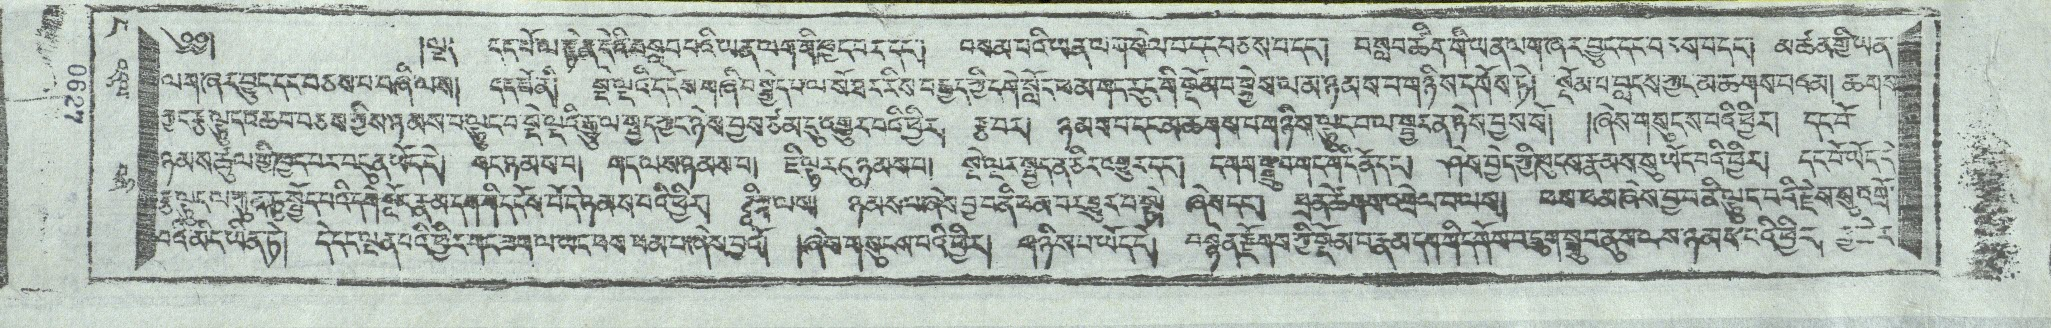༄༅། །ལྔ༑ དང་པོ་ལ་རྟེན་དེའི་བསླབ་པའི་ཡན་ལག་གི་ཁྱད་པར་དང་། བསམ་པའི་ཡན་ལག་སེལ་བ་དང་བཅས་པ་དང་། བསླབ་ཚིག་གི་ཡན་ལག་ཞར་བྱུང་དང་བཅས་པ་དང་། མཚན་གྱི་ཡན་
ལག་ཞར་བྱུང་དང་བཅས་པ་བཞི་ལས། དང་པོ་ནི། སྡེ་ལྔའི་དངོས་གཞི་བསྐྱེད་པ་ལ་སོ་ཐར་རིས་བརྒྱད་ཀྱི་དགེ་སློང་ཕ་མ་གང་རུང་གི་སྡོམ་པ་སྐྱེས་ལ་མ་ཉམས་པ་གཉིས་དགོས་ཏེ། སྡོམ་པ་བླངས་ཀྱང་མ་ཆགས་པའམ། ཆགས་
ཀྱང་རྩ་ལྟུང་འཆབ་བཅས་ཀྱིས་ཉམས་པ་ལྟུང་བ་སྡེ་ལྔའི་རྒྱུ་ལ་སྤྱད་ཀྱང་ཉེས་བྱས་ཙམ་དུ་འགྱུར་བའི་ཕྱིར། རྩ་བར། ཉམས་པ་དང་མ་ཆགས་པ་གཉིས་ལྟུང་བ་ལ་སྦྱར་ན་ཉེས་བྱས་སོ། །ཞེས་གསུངས་པའི་ཕྱིར། དང་པོ་
ཉམས་ཚུལ་གྱི་ཁྱད་པར་བདུན་ཡོད་དེ། གང་ཉམས་པ། གང་ལས་ཉམས་པ། ཇི་ལྟར་དུ་ཉམས་པ། སྡེ་ལྔར་སྤྱད་ན་ཅིར་འགྱུར་དང་། དགག་སྒྲུབ་གང་གི་དོན་དང་། ཤེས་བྱེད་ཀྱི་ཁུངས་རྣམས་སུ་ཡོད་པའི་ཕྱིར། དང་པོ་ཡོད་དེ་
རྩ་ལྟུང་ལ་ཀུན་ཏུ་སྤྱོད་པའི་དགེ་སློང་རྣམ་དག་གི་དངོས་པོ་དེ་ཉམས་པའི་ཕྱིར། ཊཱིཀྐ་ལས། ཉམས་པ་ཞེས་བྱ་བ་ནི་ཕམ་པར་གྱུར་པ་སྟེ། ཞེས་དང་། ཕྲན་ཚེགས་འགྲེལ་བ་ལས། ཕས་ཕམ་ཞེས་བྱ་བ་ནི་ལྟུང་བའི་རྗེས་སུ་འགྲོ་
བའི་མིང་ཡིན་ཏེ། དེ་དང་ལྡན་པའི་ཕྱིར་གང་ཟག་ལ་ཡང་ཕས་ཕམ་པ་ཞེས་བྱའོ། །ཞེས་གསུངས་པའི་ཕྱིར། གཉིས་པ་ཡོད་དེ། བསྙེན་རྫོགས་ཀྱི་སྡོམ་པ་རྣམ་དག་གི་དགོས་པ་དྲུག་སྒྲུབ་ནུས་ལས་ཉམས་པའི་ཕྱིར། རྒྱ་ཆེར་